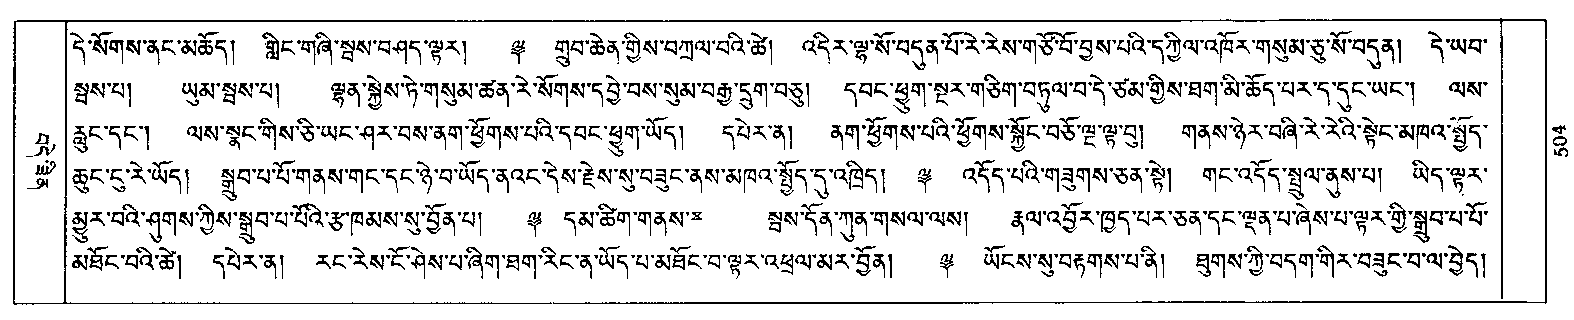དེ་སོགས་ནང་མཆོད། གླིང་གཞི་སྦས་བཤད་ལྟར། ༈ གྲུབ་ཆེན་གྱིས་བཀྲལ་བའི་ཚེ། འདིར་ལྷ་སོ་བདུན་པོ་རེ་རེས་གཙོ་བོ་བྱས་པའི་དཀྱིལ་འཁོར་གསུམ་ཅུ་སོ་བདུན། དེ་ཡབ་
སྦས་པ། ཡུམ་སྦས་པ། ལྷན་སྐྱེས་ཏེ་གསུམ་ཚན་རེ་སོགས་དབྱེ་བས་སུམ་བརྒྱ་དྲུག་བཅུ། དབང་ཕྱུག་སྔར་གཅིག་བཏུལ་བ་དེ་ཙམ་གྱིས་ཐག་མི་ཆོད་པར་ད་དུང་ཡང་། ལས་
རླུང་དང་། ལས་སྣང་གིས་ཅི་ཡང་ཤར་བས་ནག་ཕྱོགས་པའི་དབང་ཕྱུག་ཡོད། དཔེར་ན། ནག་ཕྱོགས་པའི་ཕྱོགས་སྐྱོང་བཅོ་ལྔ་ལྟ་བུ། གནས་ཉེར་བཞི་རེ་རེའི་སྟེང་མཁའ་སྤྱོད་
ཆུང་ངུ་རེ་ཡོད། སྒྲུབ་པ་པོ་གནས་གང་དང་ཉེ་བ་ཡོད་ནའང་དེས་རྗེས་སུ་བཟུང་ནས་མཁའ་སྤྱོད་དུ་འཁྲིད། ༈ འདོད་པའི་གཟུགས་ཅན་སྟེ། གང་འདོད་སྤྲུལ་ནུས་པ། ཡིད་ལྟར་
མྱུར་བའི་ཤུགས་ཀྱིས་སྒྲུབ་པ་པོའི་རྩ་ཁམས་སུ་བྱོན་པ། ༈ དམ་ཚིག་གནས་྾་སྦས་དོན་ཀུན་གསལ་ལས། རྣལ་འབྱོར་ཁྱད་པར་ཅན་དང་ལྡན་པ་ཞེས་པ་ལྟར་གྱི་སྒྲུབ་པ་པོ་
མཐོང་བའི་ཚེ། དཔེར་ན། རང་རེས་ངོ་ཤེས་པ་ཞིག་ཐག་རིང་ན་ཡོད་པ་མཐོང་བ་ལྟར་འཕྲལ་མར་བྱོན། ༈ ཡོངས་སུ་བརྟགས་པ་ནི། ཐུགས་ཀྱི་བདག་གིར་བཟུང་བ་ལ་བྱེད།